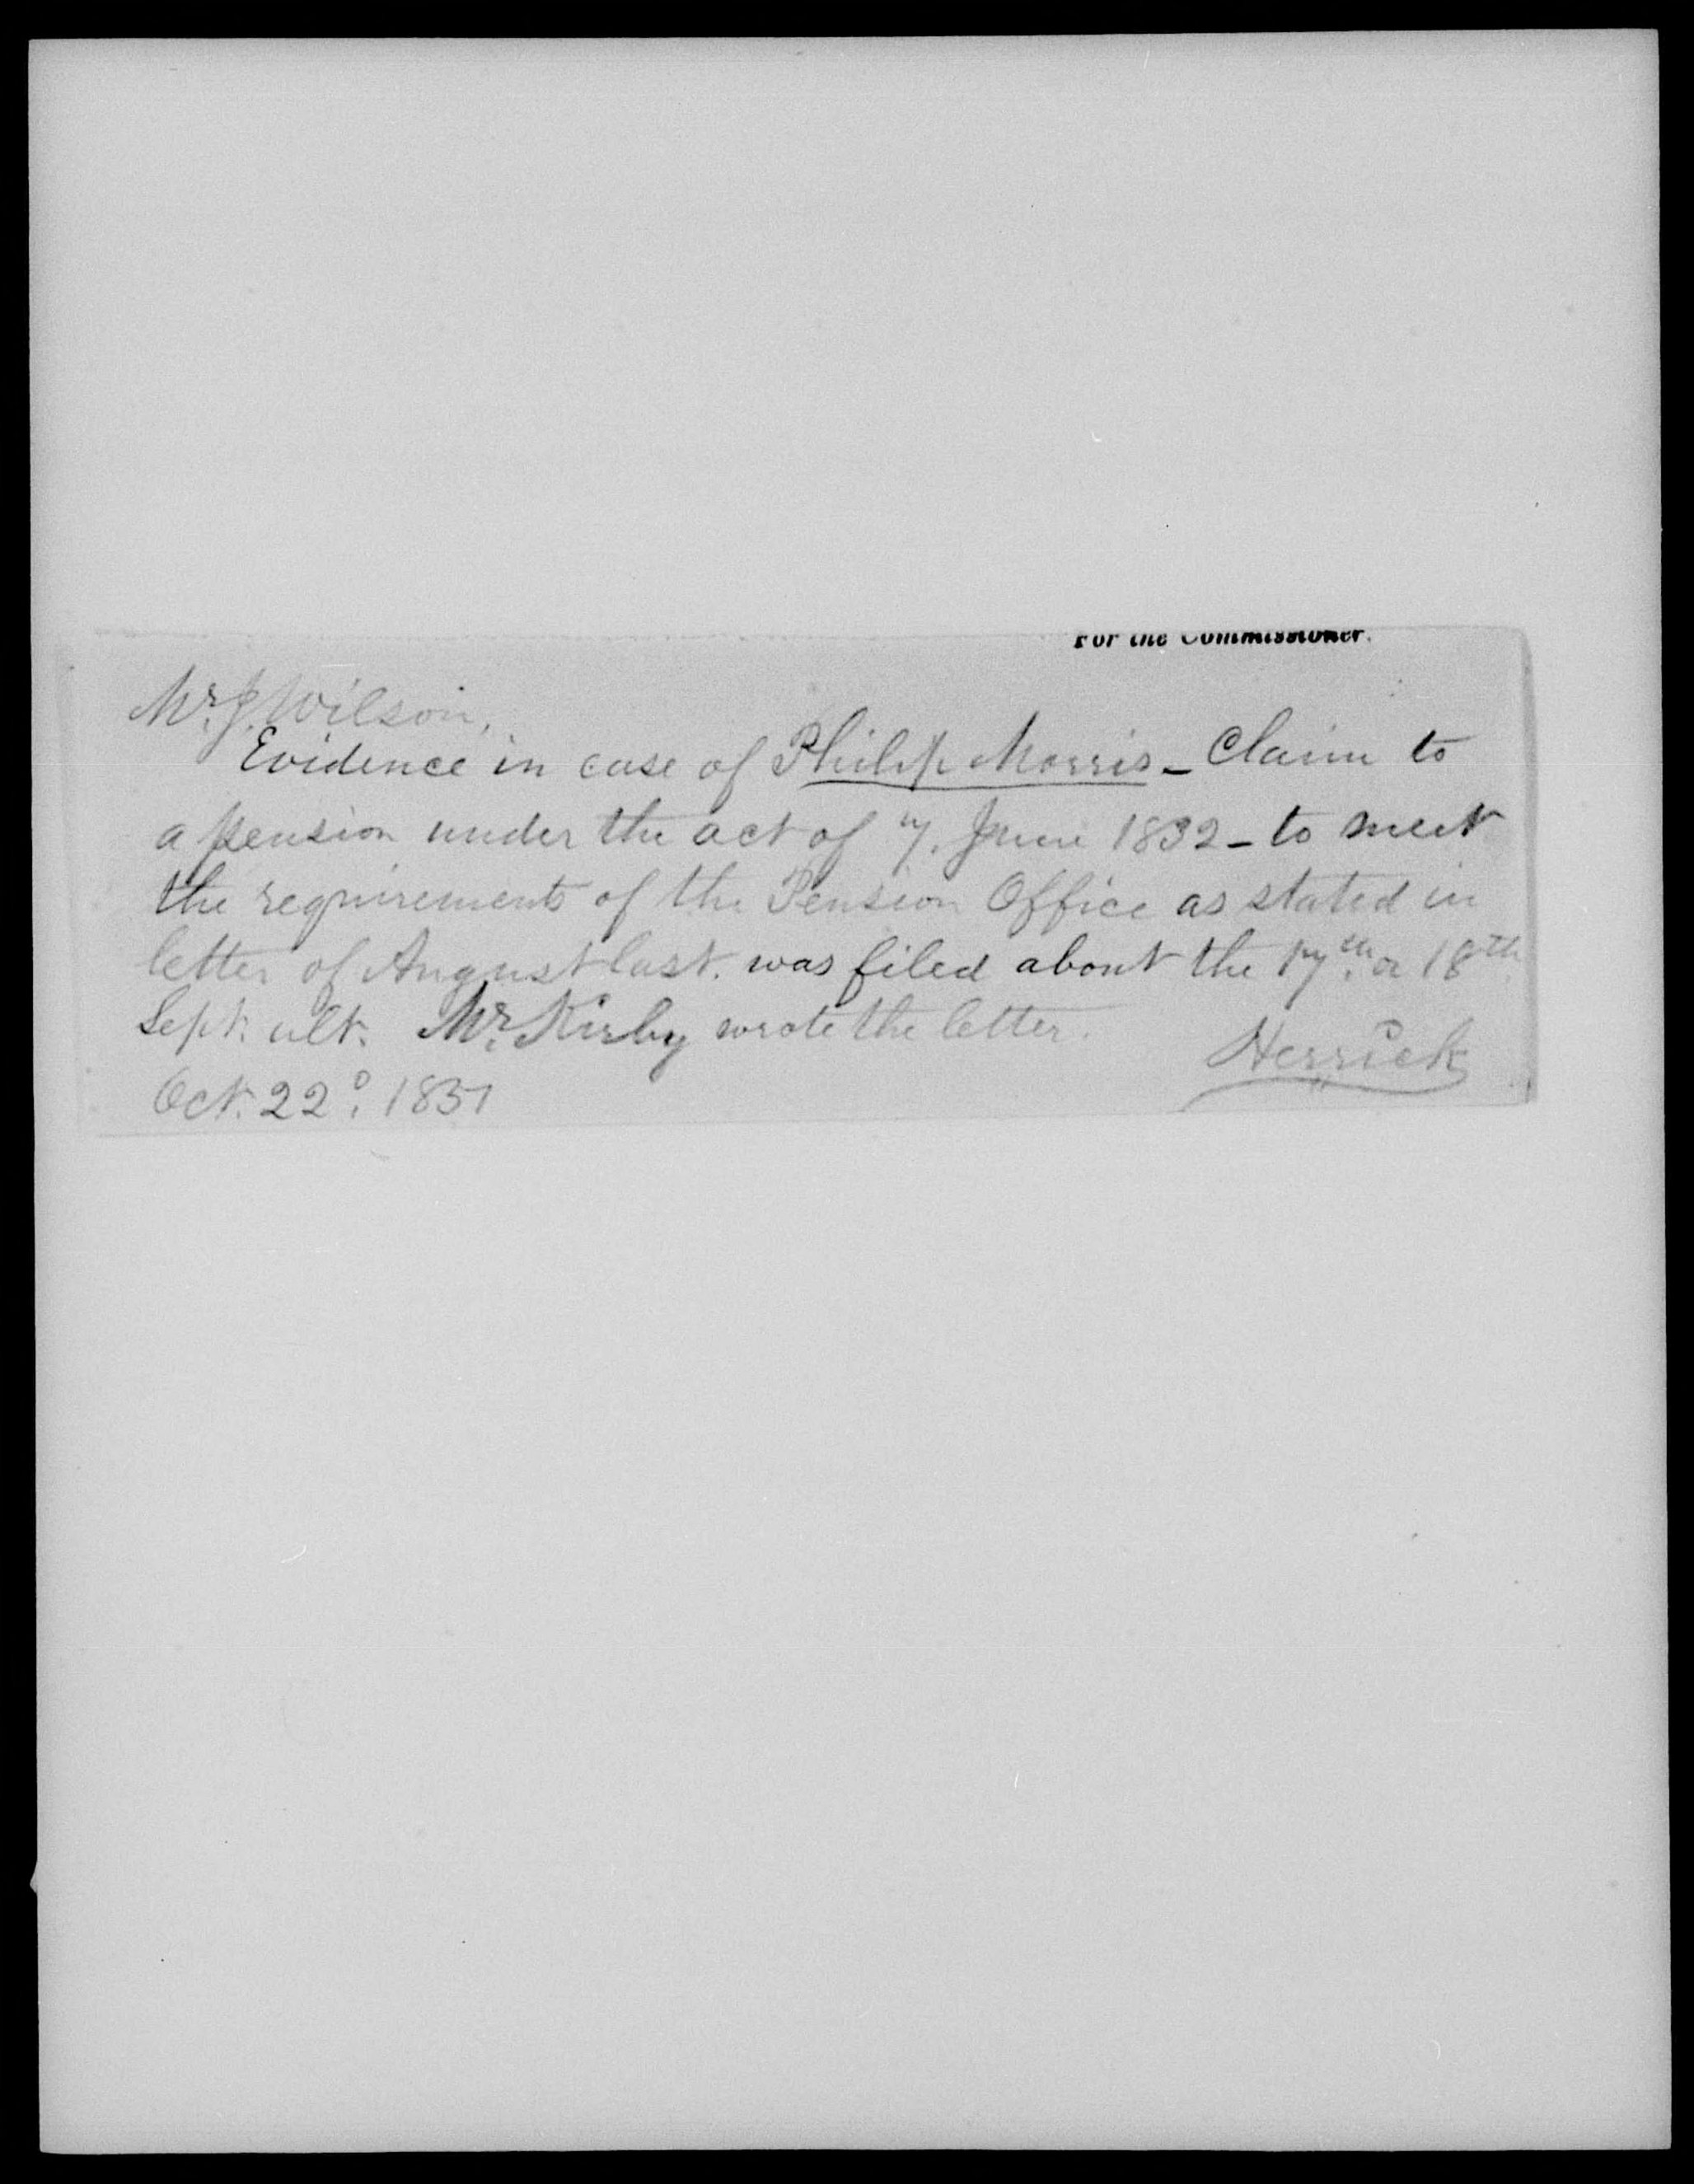For the Commissioner.

Mr. J Wilson,
Evidence in case of Philip Morris - claim to
a pension under the act of 7 June 1832 - to meet the requirements of the Pension Office as stated in letter of August last.  was filed about the 17th or 18th Sept. alt.   Mr Kirby wrote the letter

Oct 22, 1837
Herrick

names: Philip Morris; [BLANK] Kirby; J Wilson; [BLANK] Herrick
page: 17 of 44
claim: survivor's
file: S. 28,815, for Philip Morris, Rhode Island